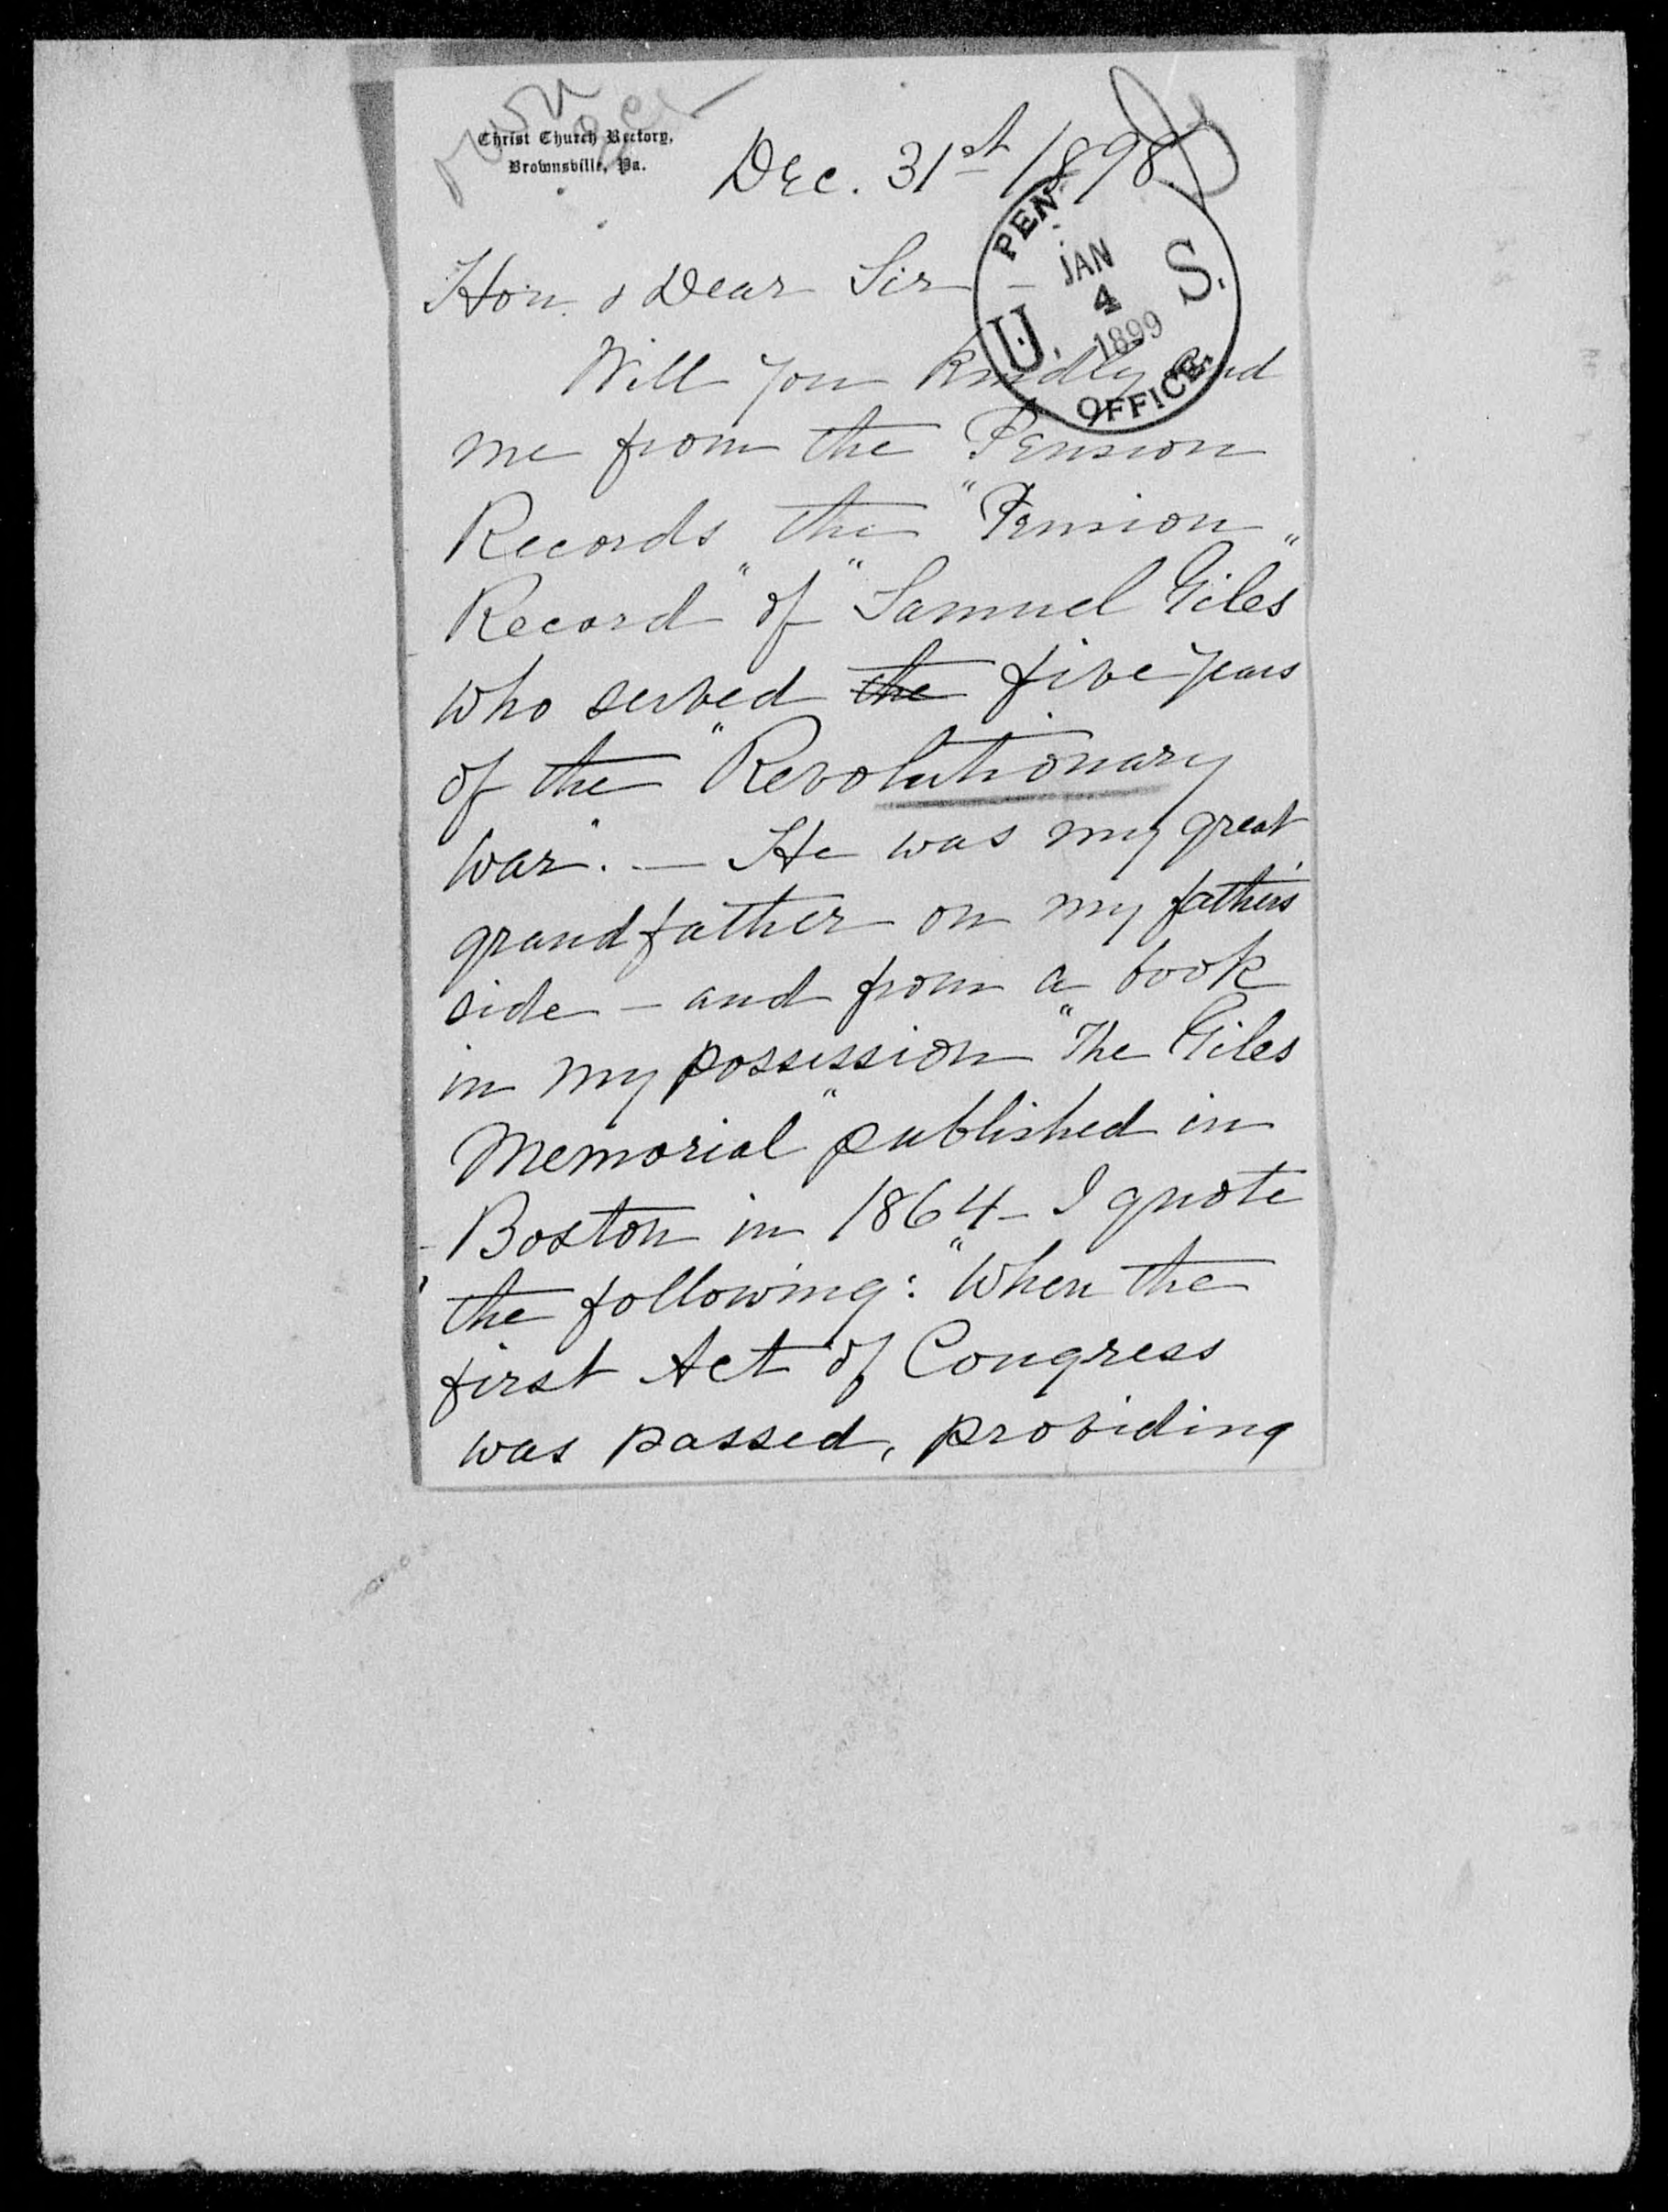(Postmark: U.S. Pen Office JAN 4 1899)

[Illegible handwriting behind type]
Christ Church Rectory,
Brownsville, Pa.
Dec. 31st 1898

Hon  + Dear Sir-
Will you kindly lend me from the Pension Records the "Pension Record" of "Samuel Giles" who served the[crossed out] five years of the "Revolutionary War." He was my great-grandfather on my father's side  __ and from a book in my possession "The Giles Memorial" published in Boston in 1864__ I quote the following: "When the first Act of Congress was passed, providing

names: Samuel Giles, Giles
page: 23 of 55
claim: widow's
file: W. 19503, Samuel Giles, Conti. Mass. New York